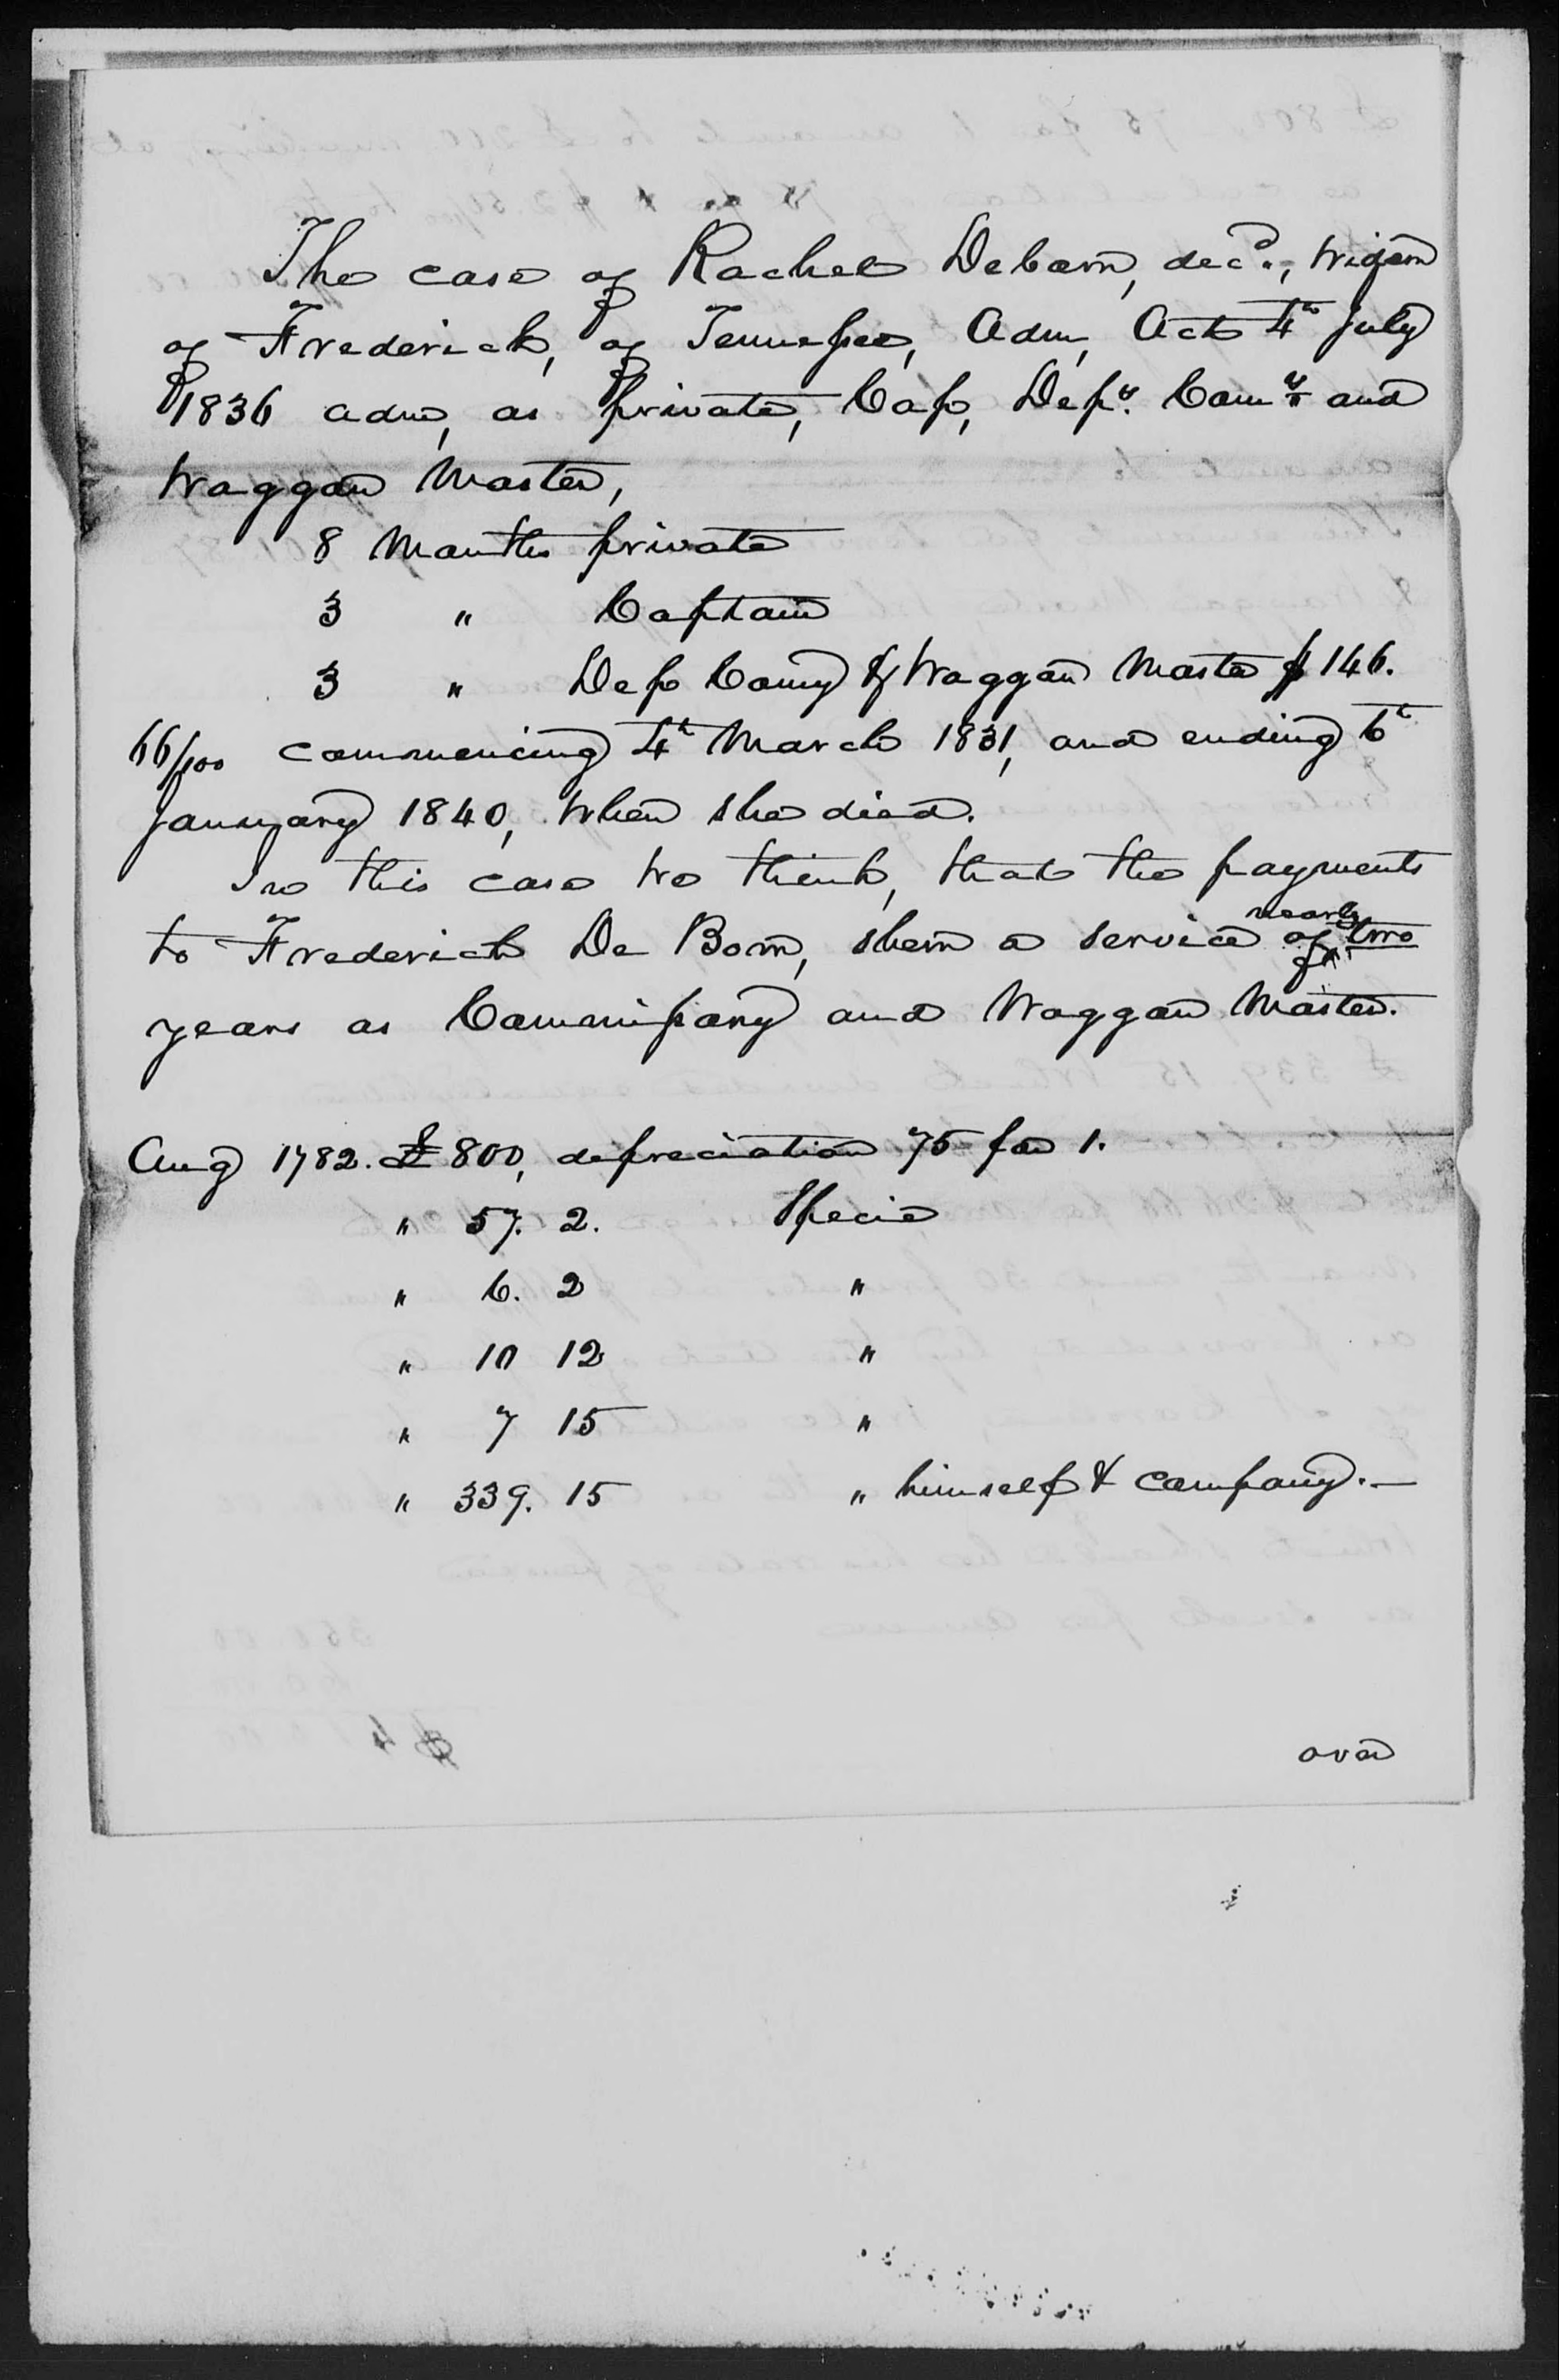The case of Rachel Debow, decd [deceased] widow of Frederick, of Tennessee, a[illegible] Act 7th July 1836 ad[illegible] as Private, Captain, Deputy [illegible] and Waggon Master,
8 Months Private
3    “          Captain
3    “           Deputy Commissary of Waggon Master $146.
‘for commencing 4th March 1831, and ending January 1840, when she died.
Is this case we think, that the payments to Frederick De Bow, [illegible] a Service nearly of time years as Commissary and Waggon Master.
Aug 1782 £800, depreciation 75 Jan 1.
“    57    2         Specie
“     6.    2               “
“     10   12               “
“      7    15              “
“  339.  15              “   himself & company

		over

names: Rachel Debow, Frederick, Frederick Debow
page: 49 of 62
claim: widow's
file: W 7005, Frederick Debow, N.C.